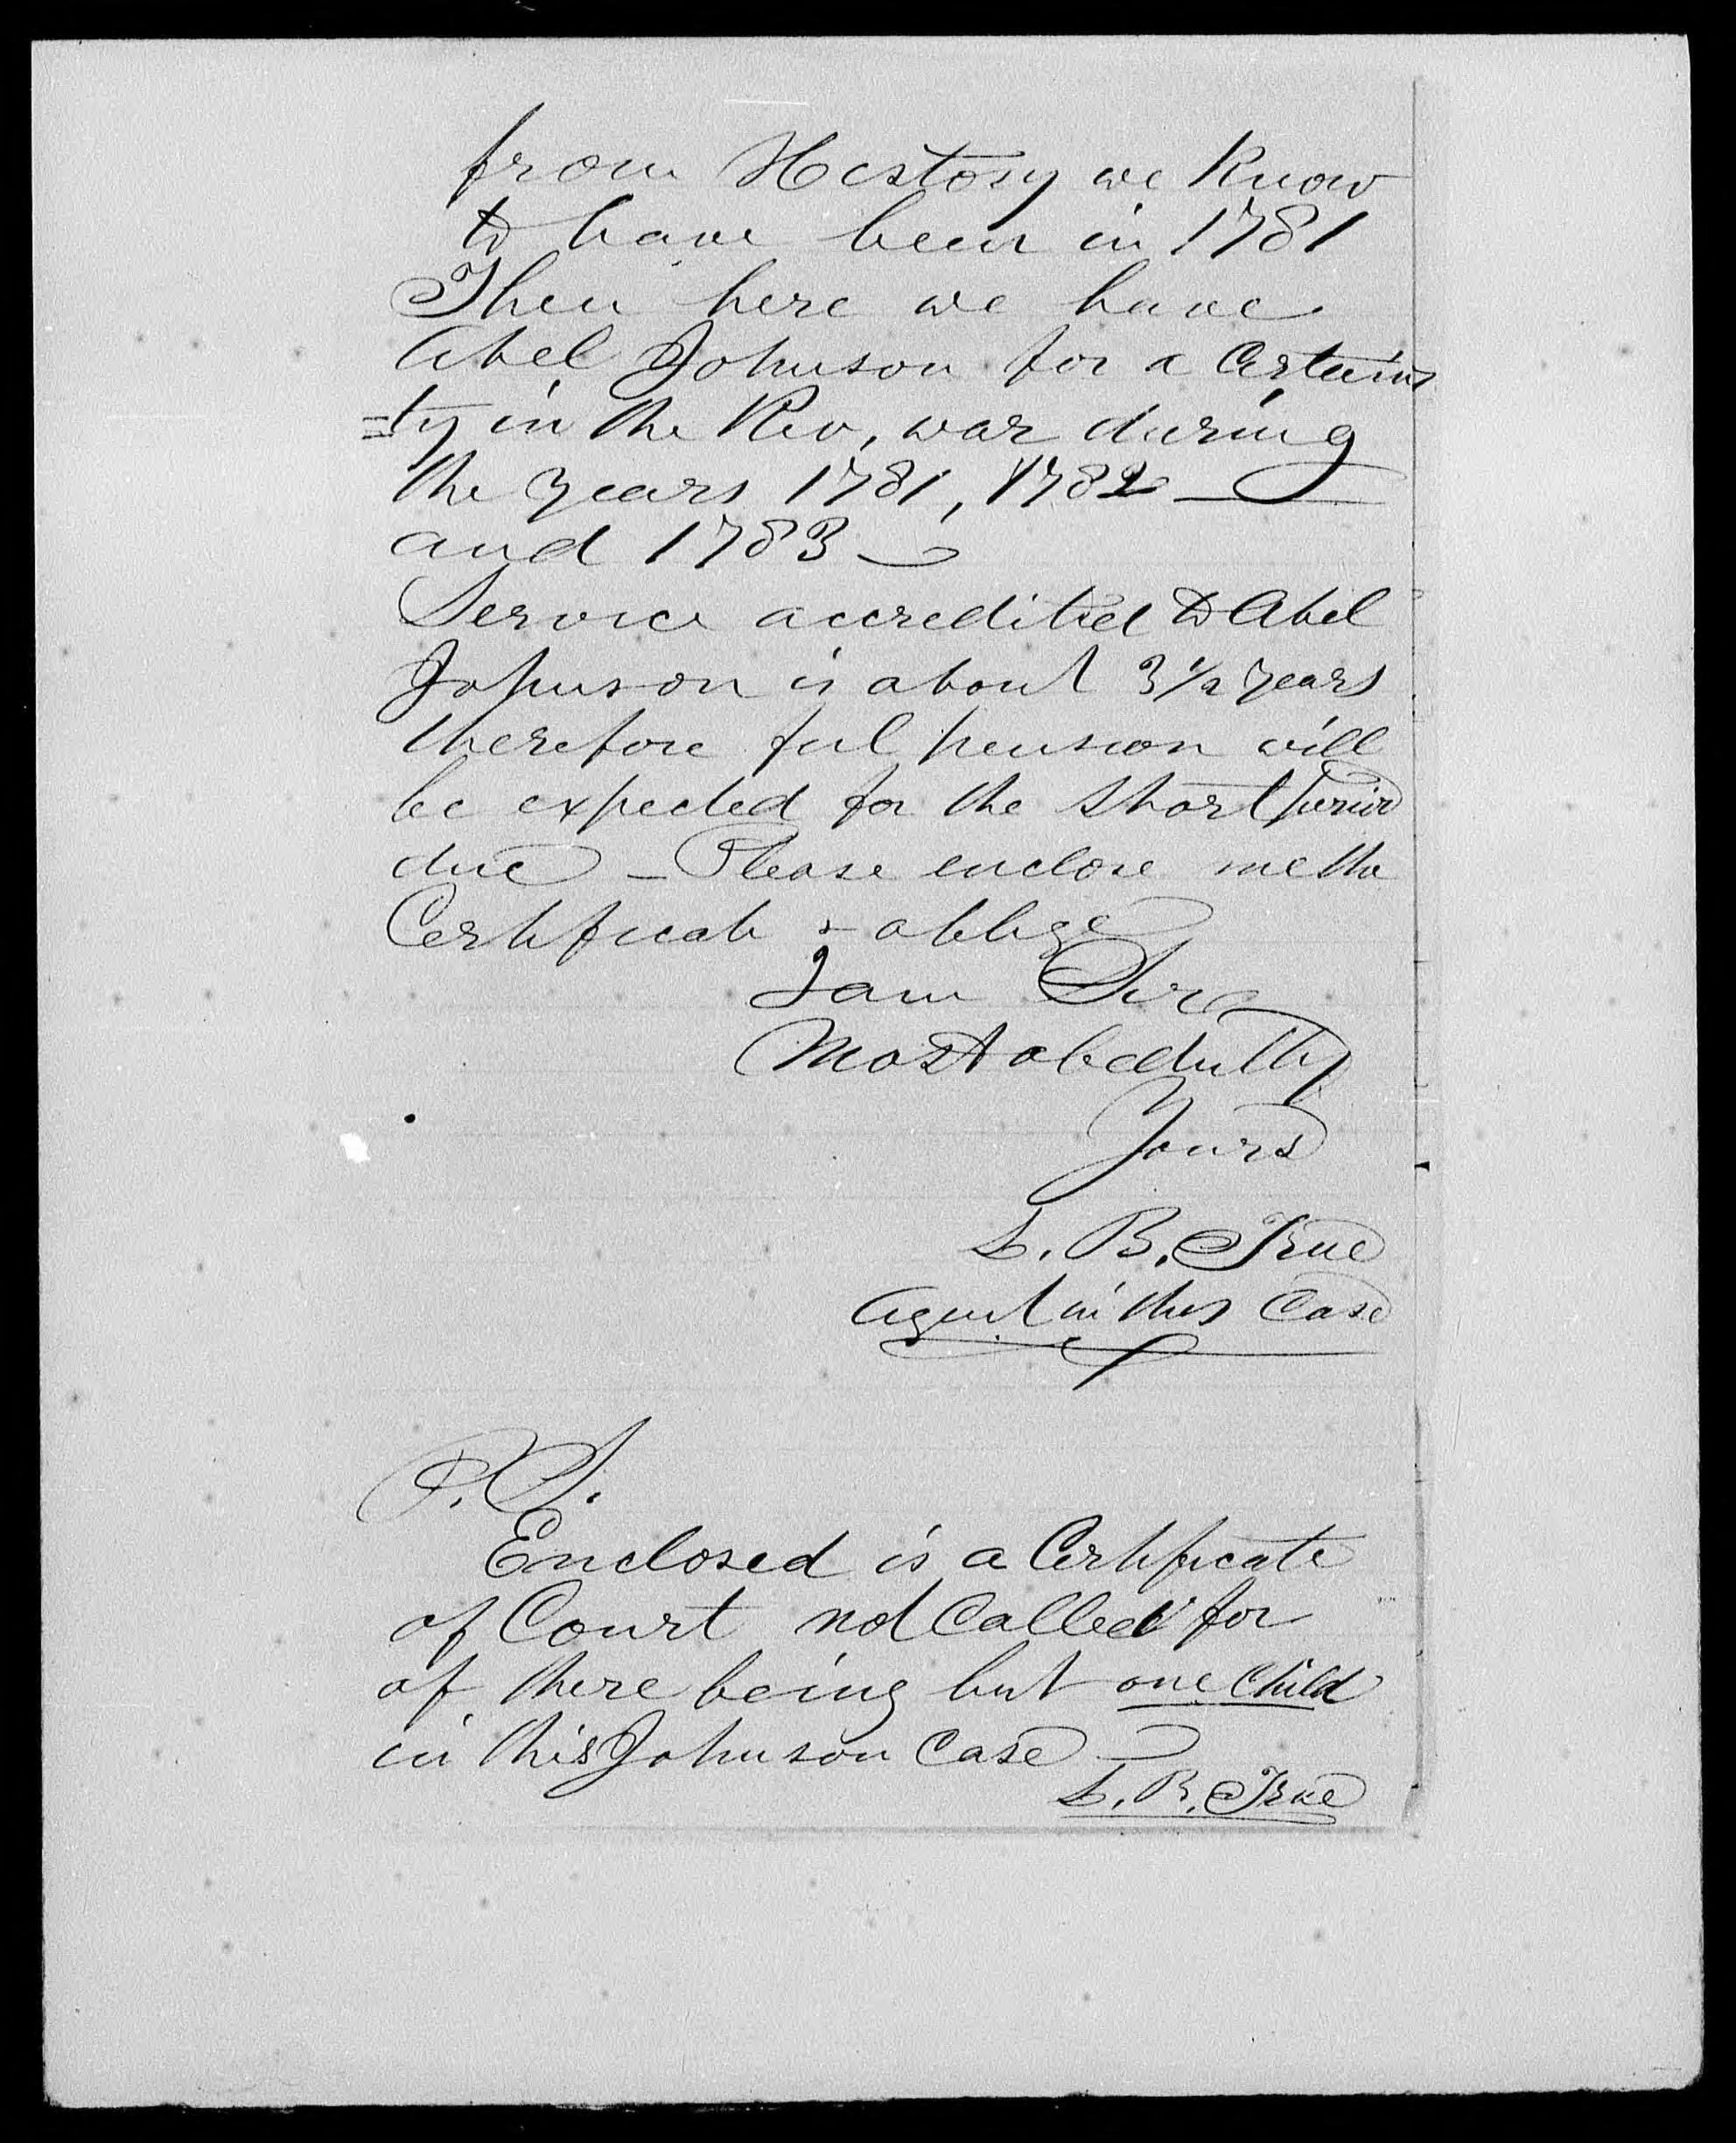From history we know and have been in 1781. Then here we have Abel Johnson for a certainty in the Revolutionary War during the years 1781, 1782, and 1783 -     Service accredited to Abel Johnson in about 3½ years therefore full pension will be expected for the short period due -  Please enclose me the certificate and oblige.    I am sir most obediently yours, I. B. True    Agent in this case --   Enclosed is a Certificate of Court not called for of there being but one child in this Johnson case  I. B. True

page: 41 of 74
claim: rejected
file: R. 5600, for Abel Johnson, North Carolina